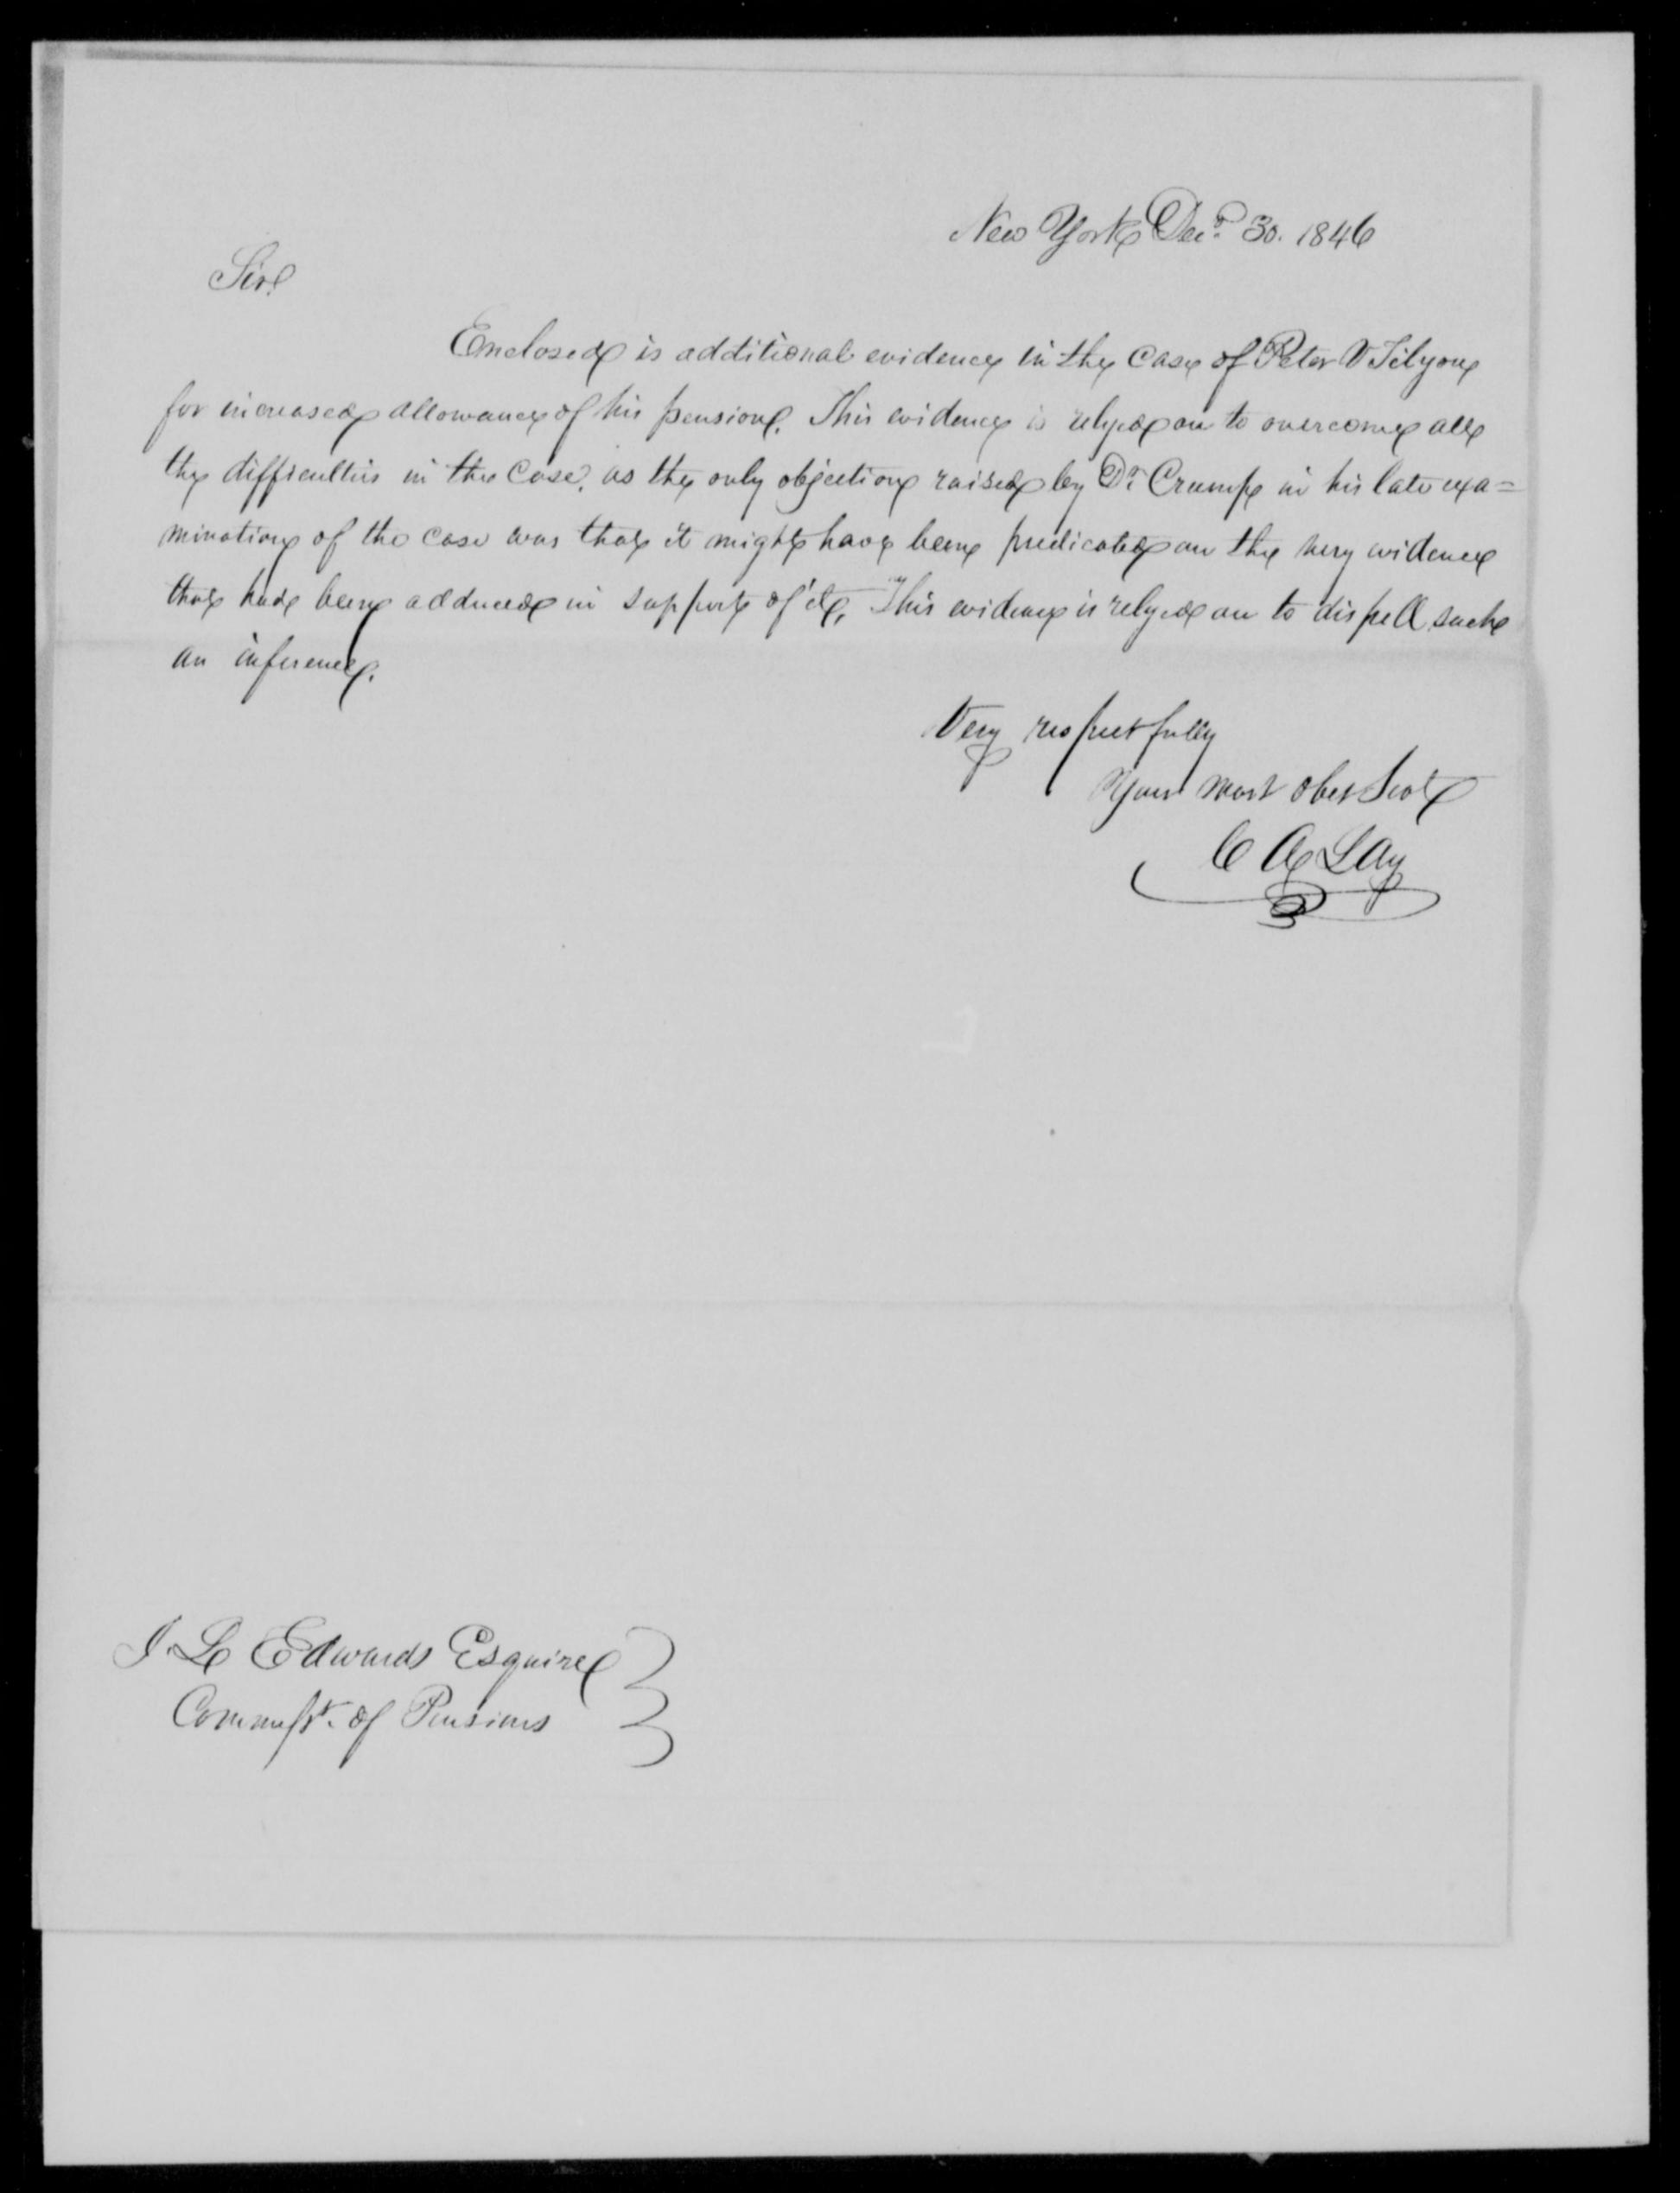New York Dec 30. 1846

Sir

                    Enclosed is additional evidence in the case of Peter V. Tilyou for increased allowance of his pension. This evidence is relyed on to overcome all the difficulties in this case.  As the only objection raised by D. Crumpe in his late examinations of the case was that it might have been predicated on the very evidence that had been addressed in support of it. This evidence is relyed on to dispel such an inference.

            Very respectfully
                              Your most obed Servt
                                C A Lay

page: 36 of 101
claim: widow's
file: W. 25481, for Peter V Tilyou, New Jersey